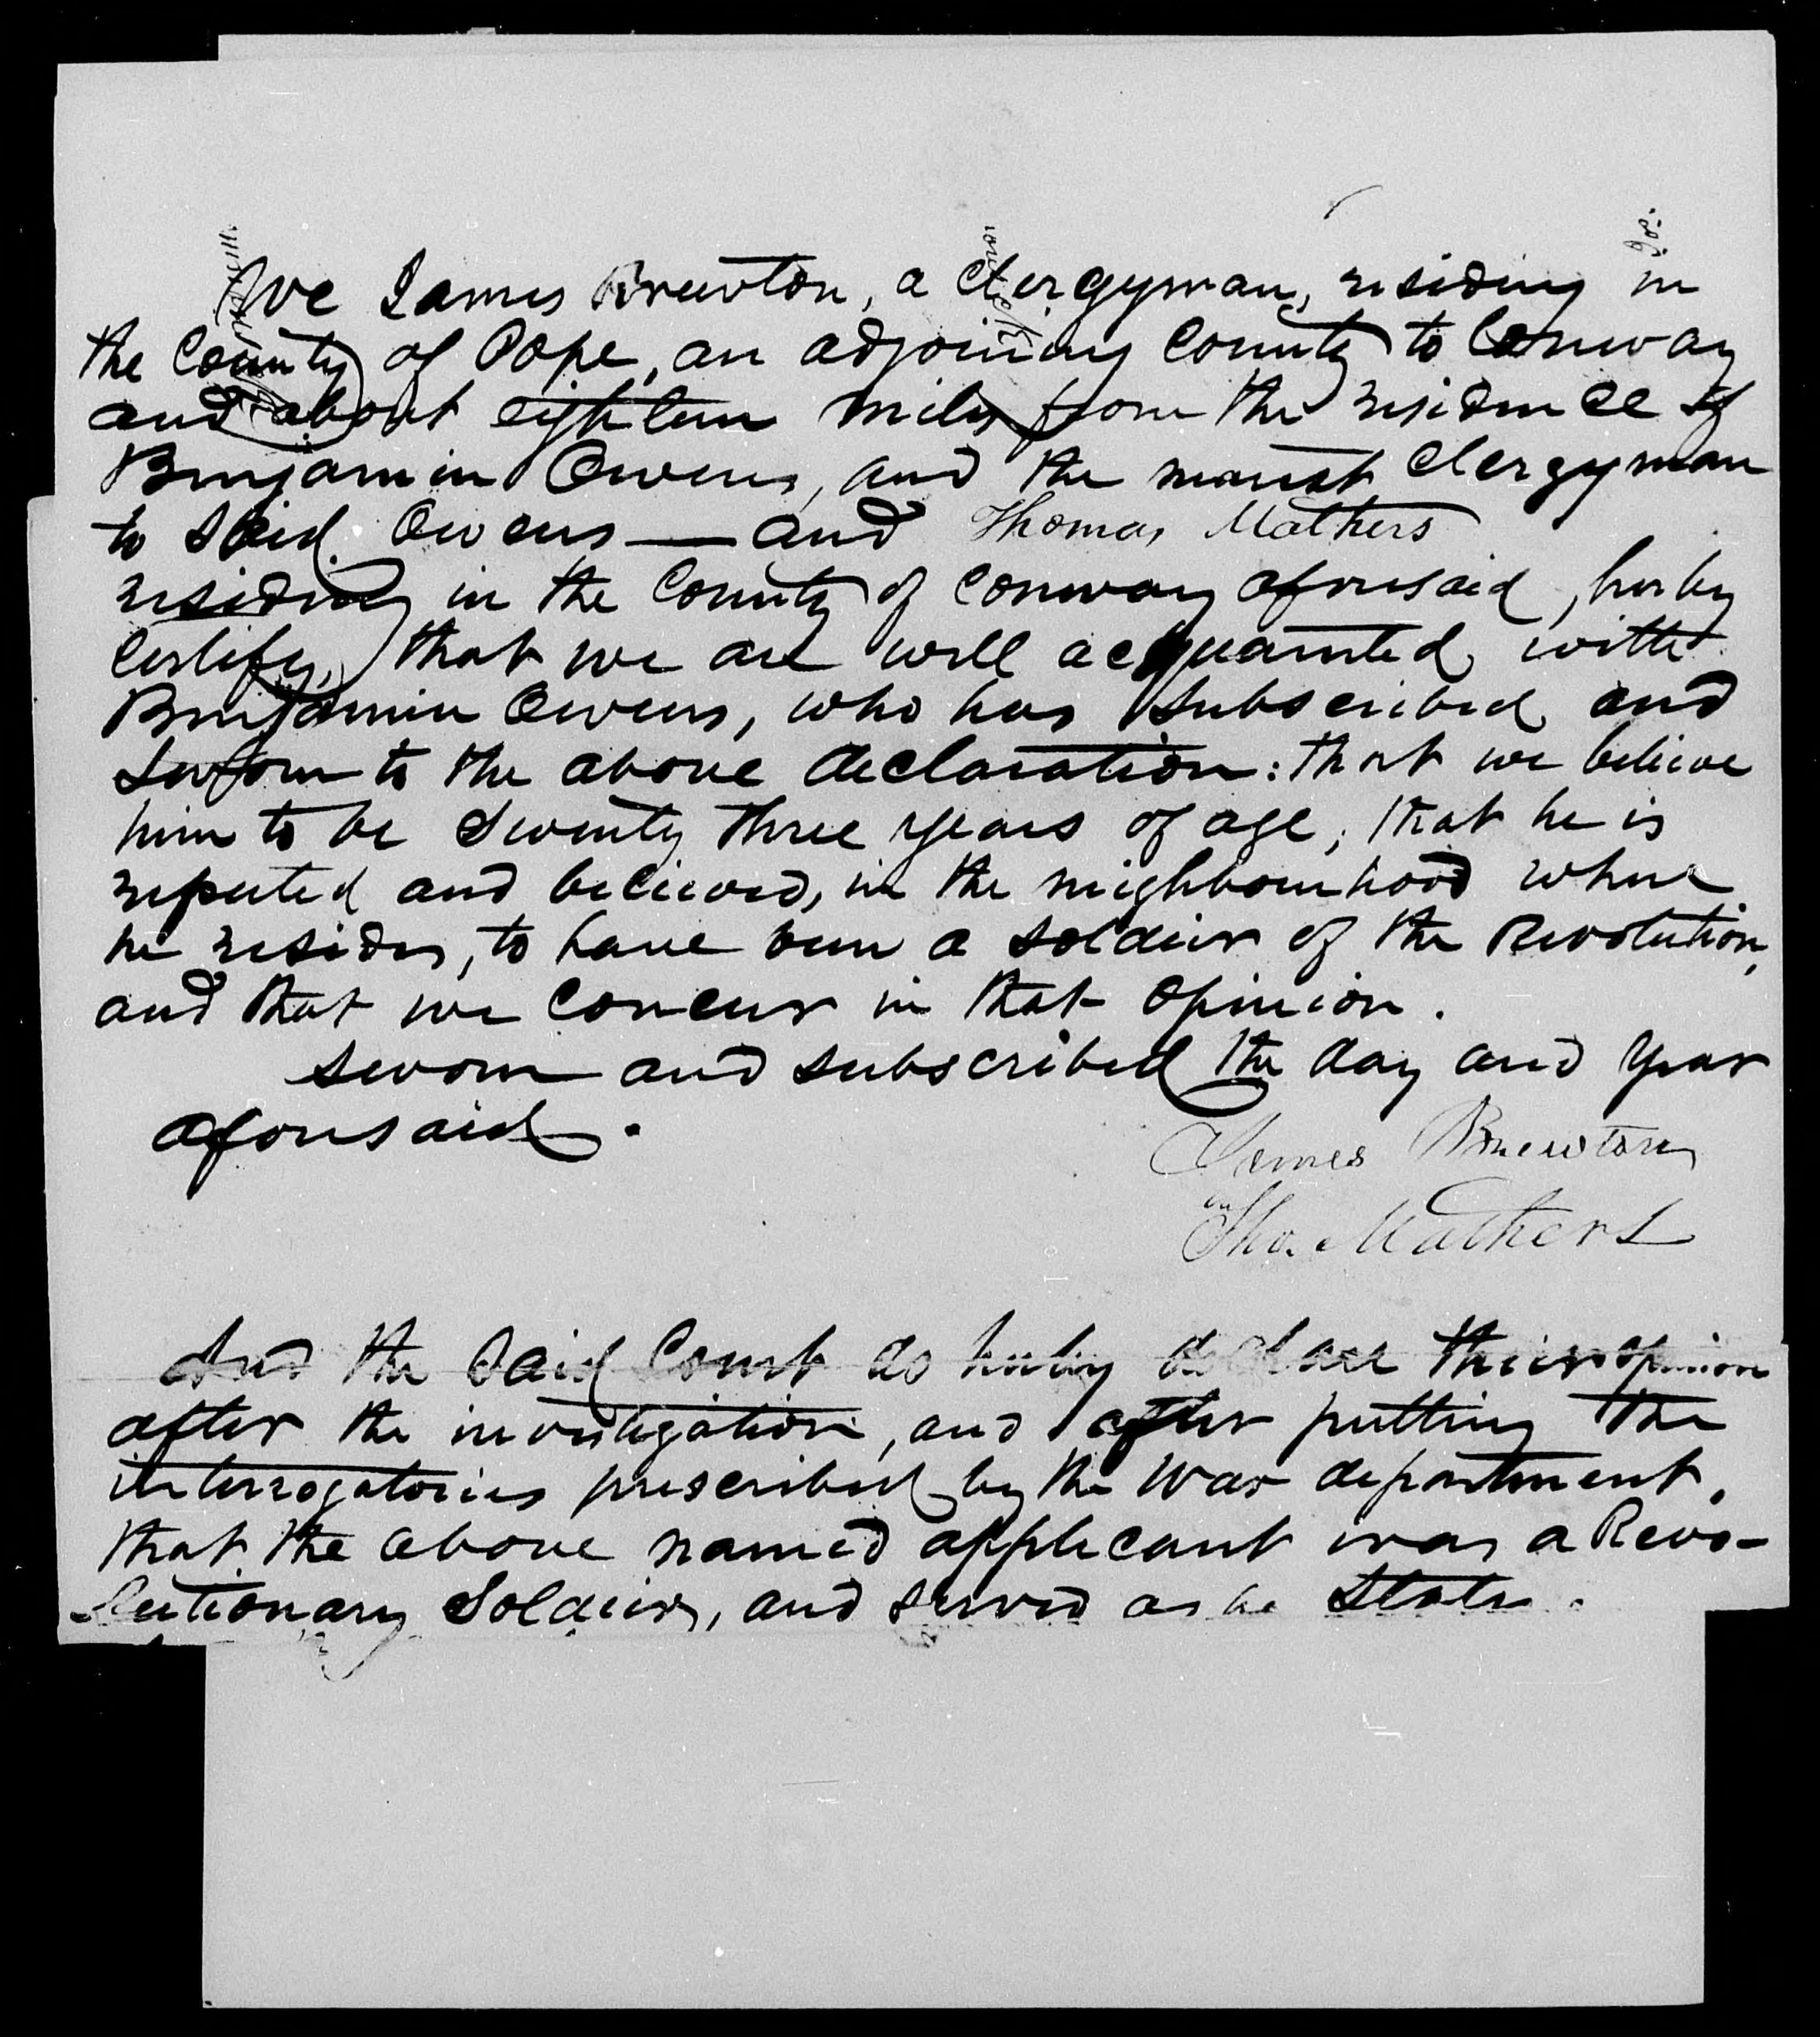We James Brewton, a clergyman, residing in the County of Pope, an adjoining County to Conway and about eighteen miles from the residence of Benjamin Owens, and the nearest Clergyman to said Owen --- and Thomas Mathers residing in the County of Conway aforesaid hereby certify, that we are well acquainted with Benjamin Owens, who has subscribed and Sworn to the above declaration: that we believe him to be seventy three years of age; that he is reputed and believed, in the neighbourhood where he resides, to have been a soldier of the Revolution and that we concur in that opinion
Sworn and subscribed the day and year
aforesaid.
James Brewton
Thos Mathers

And the said Court do hereby declare their opinion after the investigation, and after putting the interrogatories prescribed by the War department that the above named applicant was a Revolutionary Soldier, and served as he States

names: Thomas Mathers; James Brewton; Benjamin Owens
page: 11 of 28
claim: rejected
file: R. 7846, for Benjamin Owens, South Carolina